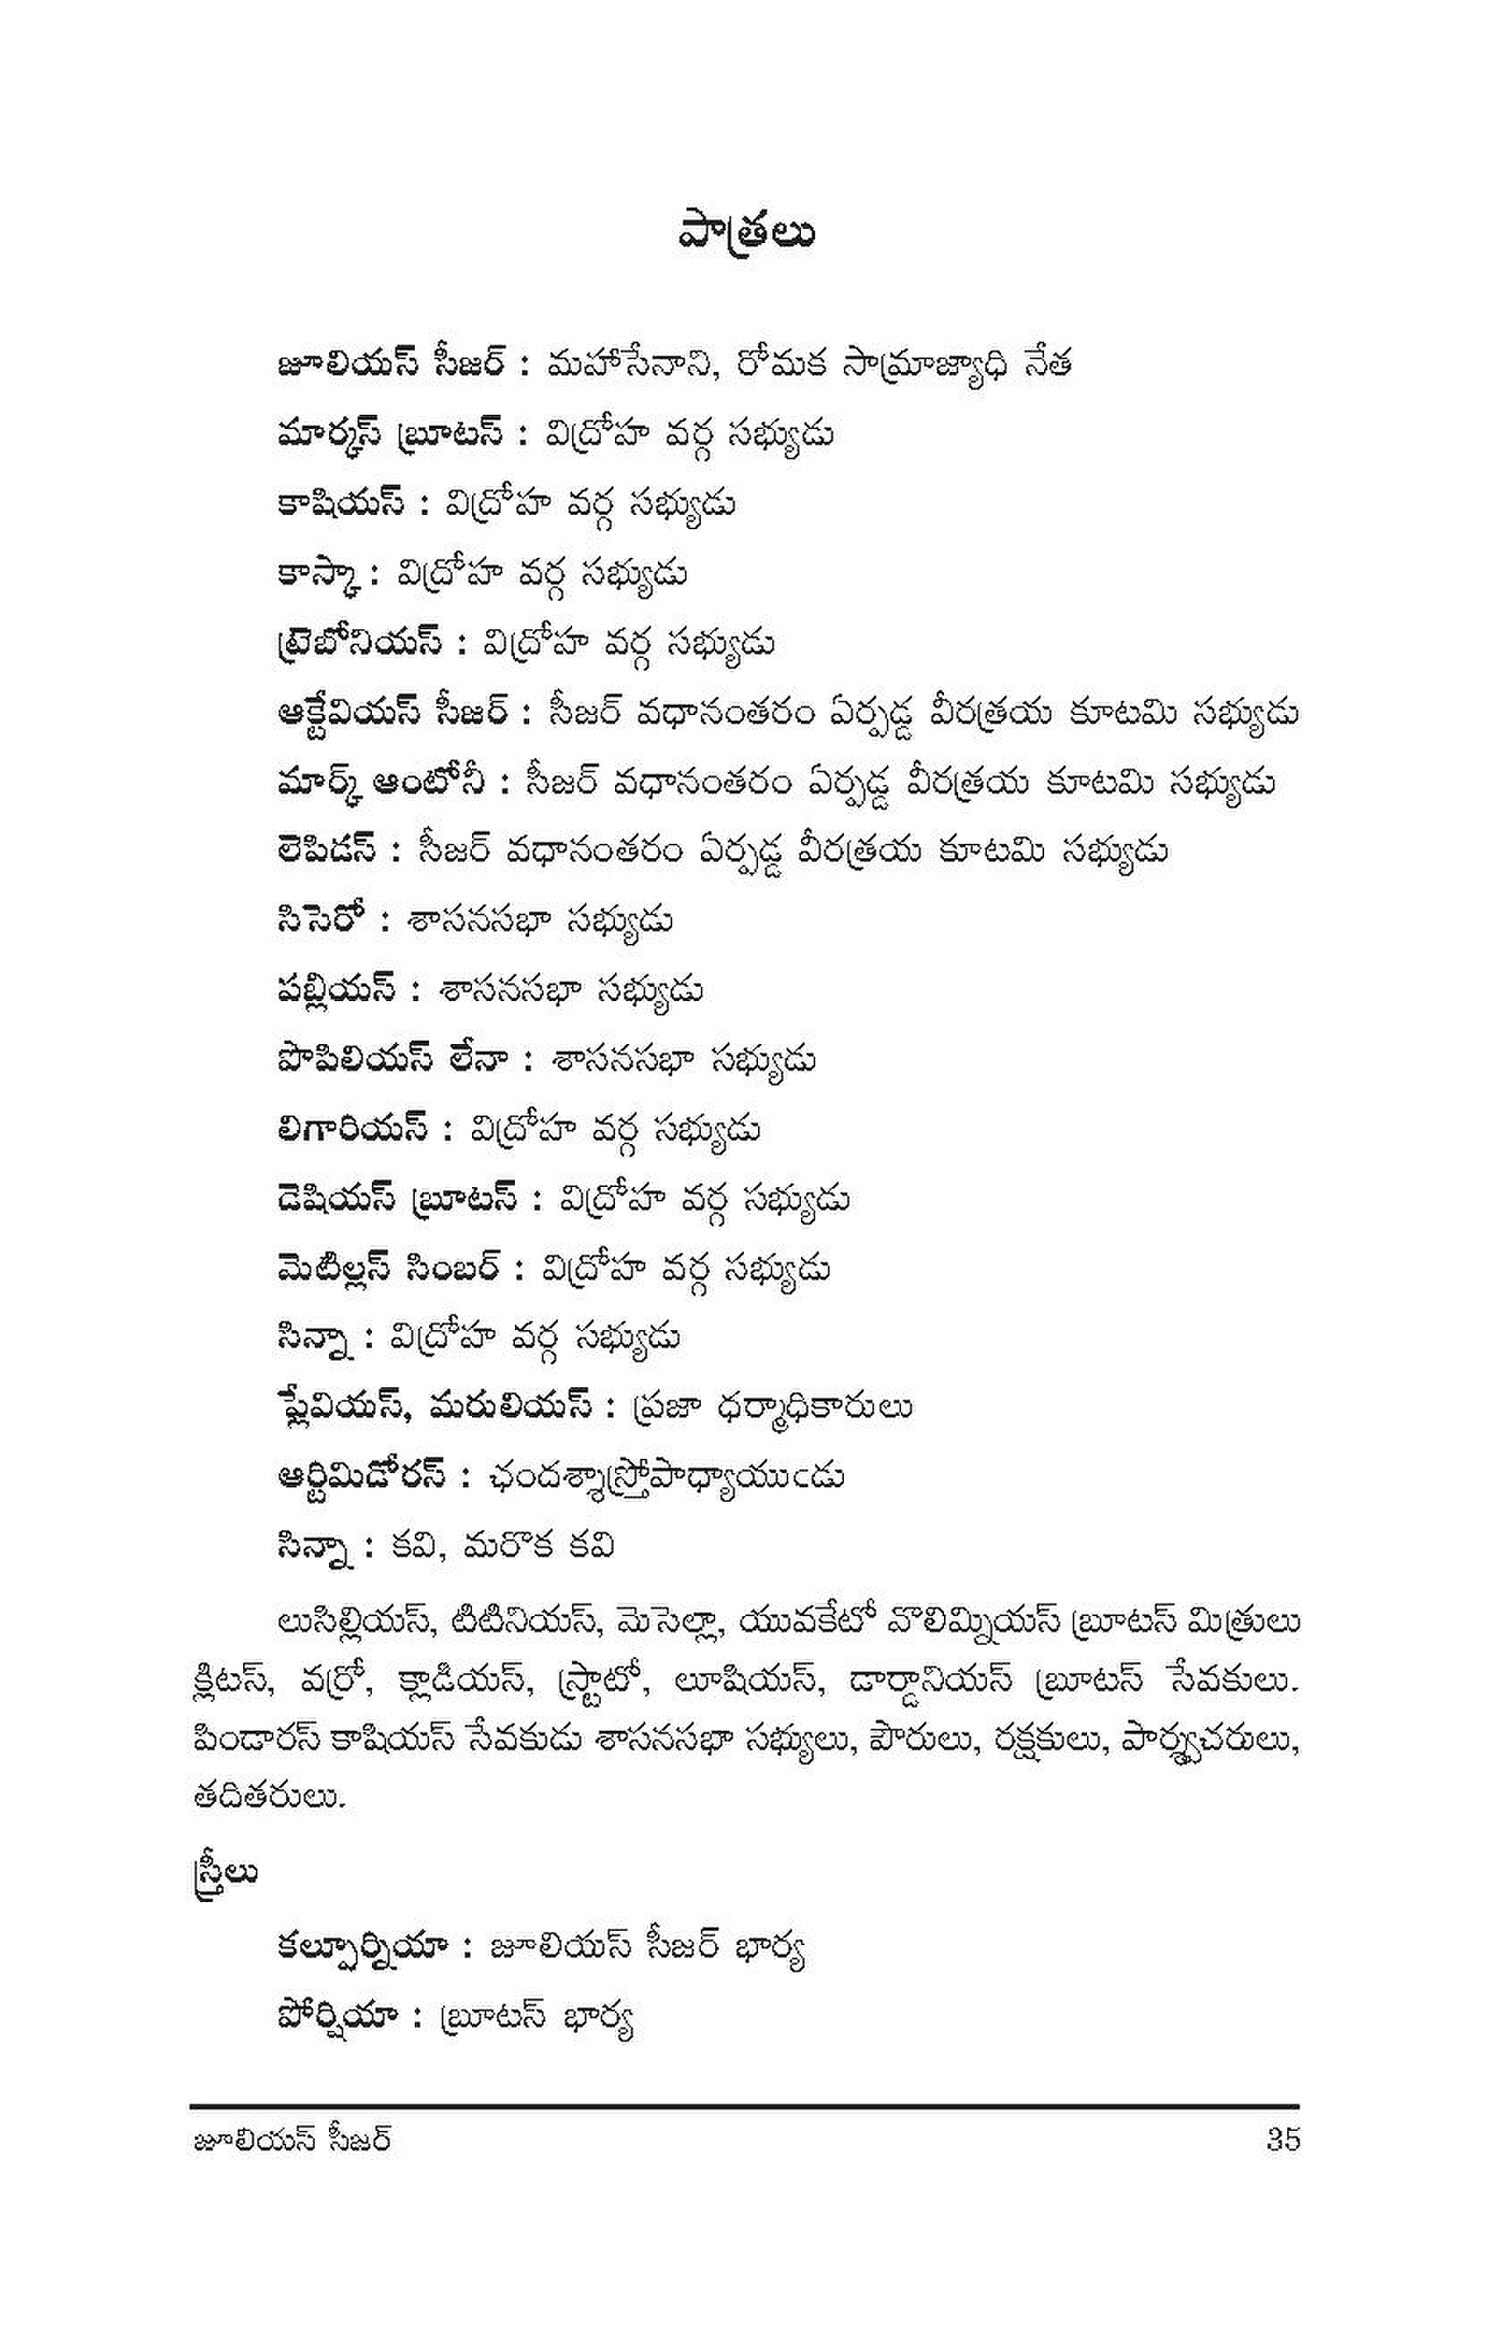జూలియస్ సీజర్ : మహాసేనాని, రోమక సామ్రాజ్యాధి నేత

మార్కస్ బ్రూటస్ : విద్రోహ వర్గ సభ్యుడు

కాషియస్ : విద్రోహ వర్గ సభ్యుడు

కాస్కా : విద్రోహ వర్గ సభ్యుడు

ట్రెబోనియస్ : విద్రోహ వర్గ సభ్యుడు

ఆక్టేవియస్ సీజర్ : సీజర్ వధానంతరం ఏర్పడ్డ వీరత్రయ కూటమి సభ్యుడు

మార్క్ ఆంటోనీ : సీజర్ వధానంతరం ఏర్పడ్డ వీరత్రయ కూటమి సభ్యుడు

లెపిడస్ : సీజర్ వధానంతరం ఏర్పడ్డ వీరత్రయ కూటమి సభ్యుడు

సిసెరో : శాసనసభా సభ్యుడు

పబ్లియస్ : శాసనసభా సభ్యుడు

పొపిలియస్ లేనా : శాసనసభా సభ్యుడు

లిగారియస్ : విద్రోహ వర్గ సభ్యుడు

డెషియస్ బ్రూటస్ : విద్రోహ వర్గ సభ్యుడు

మెటిల్లస్ సింబర్ : విద్రోహ వర్గ సభ్యుడు

సిన్నా : విద్రోహ వర్గ సభ్యుడు

ప్లేవియస్, మరులియస్: ప్రజా ధర్మాధికారులు

ఆర్టిమిడోరస్ : ఛందశ్శాస్త్రోపాధ్యాయుఁడు

సిన్నా : కవి, మరొక కవి

లుసిల్లియస్, టిటినియస్, మెసెల్లా, యువకేటో వొలిమ్నియస్ బ్రూటస్ మిత్రులు
క్లిటస్, వర్రో, క్లాడియస్, స్ట్రాటో, లూషియస్, డార్దానియస్ బ్రూటస్ సేవకులు.
పిండారస్ కాషియస్ సేవకుడు శాసనసభా సభ్యులు, పౌరులు, రక్షకులు, పార్శ్వచరులు,
తదితరులు.

స్త్రీలు

కల్పూర్నియా : జూలియస్ సీజర్ భార్య

పోర్షియా : బ్రూటస్ భార్య